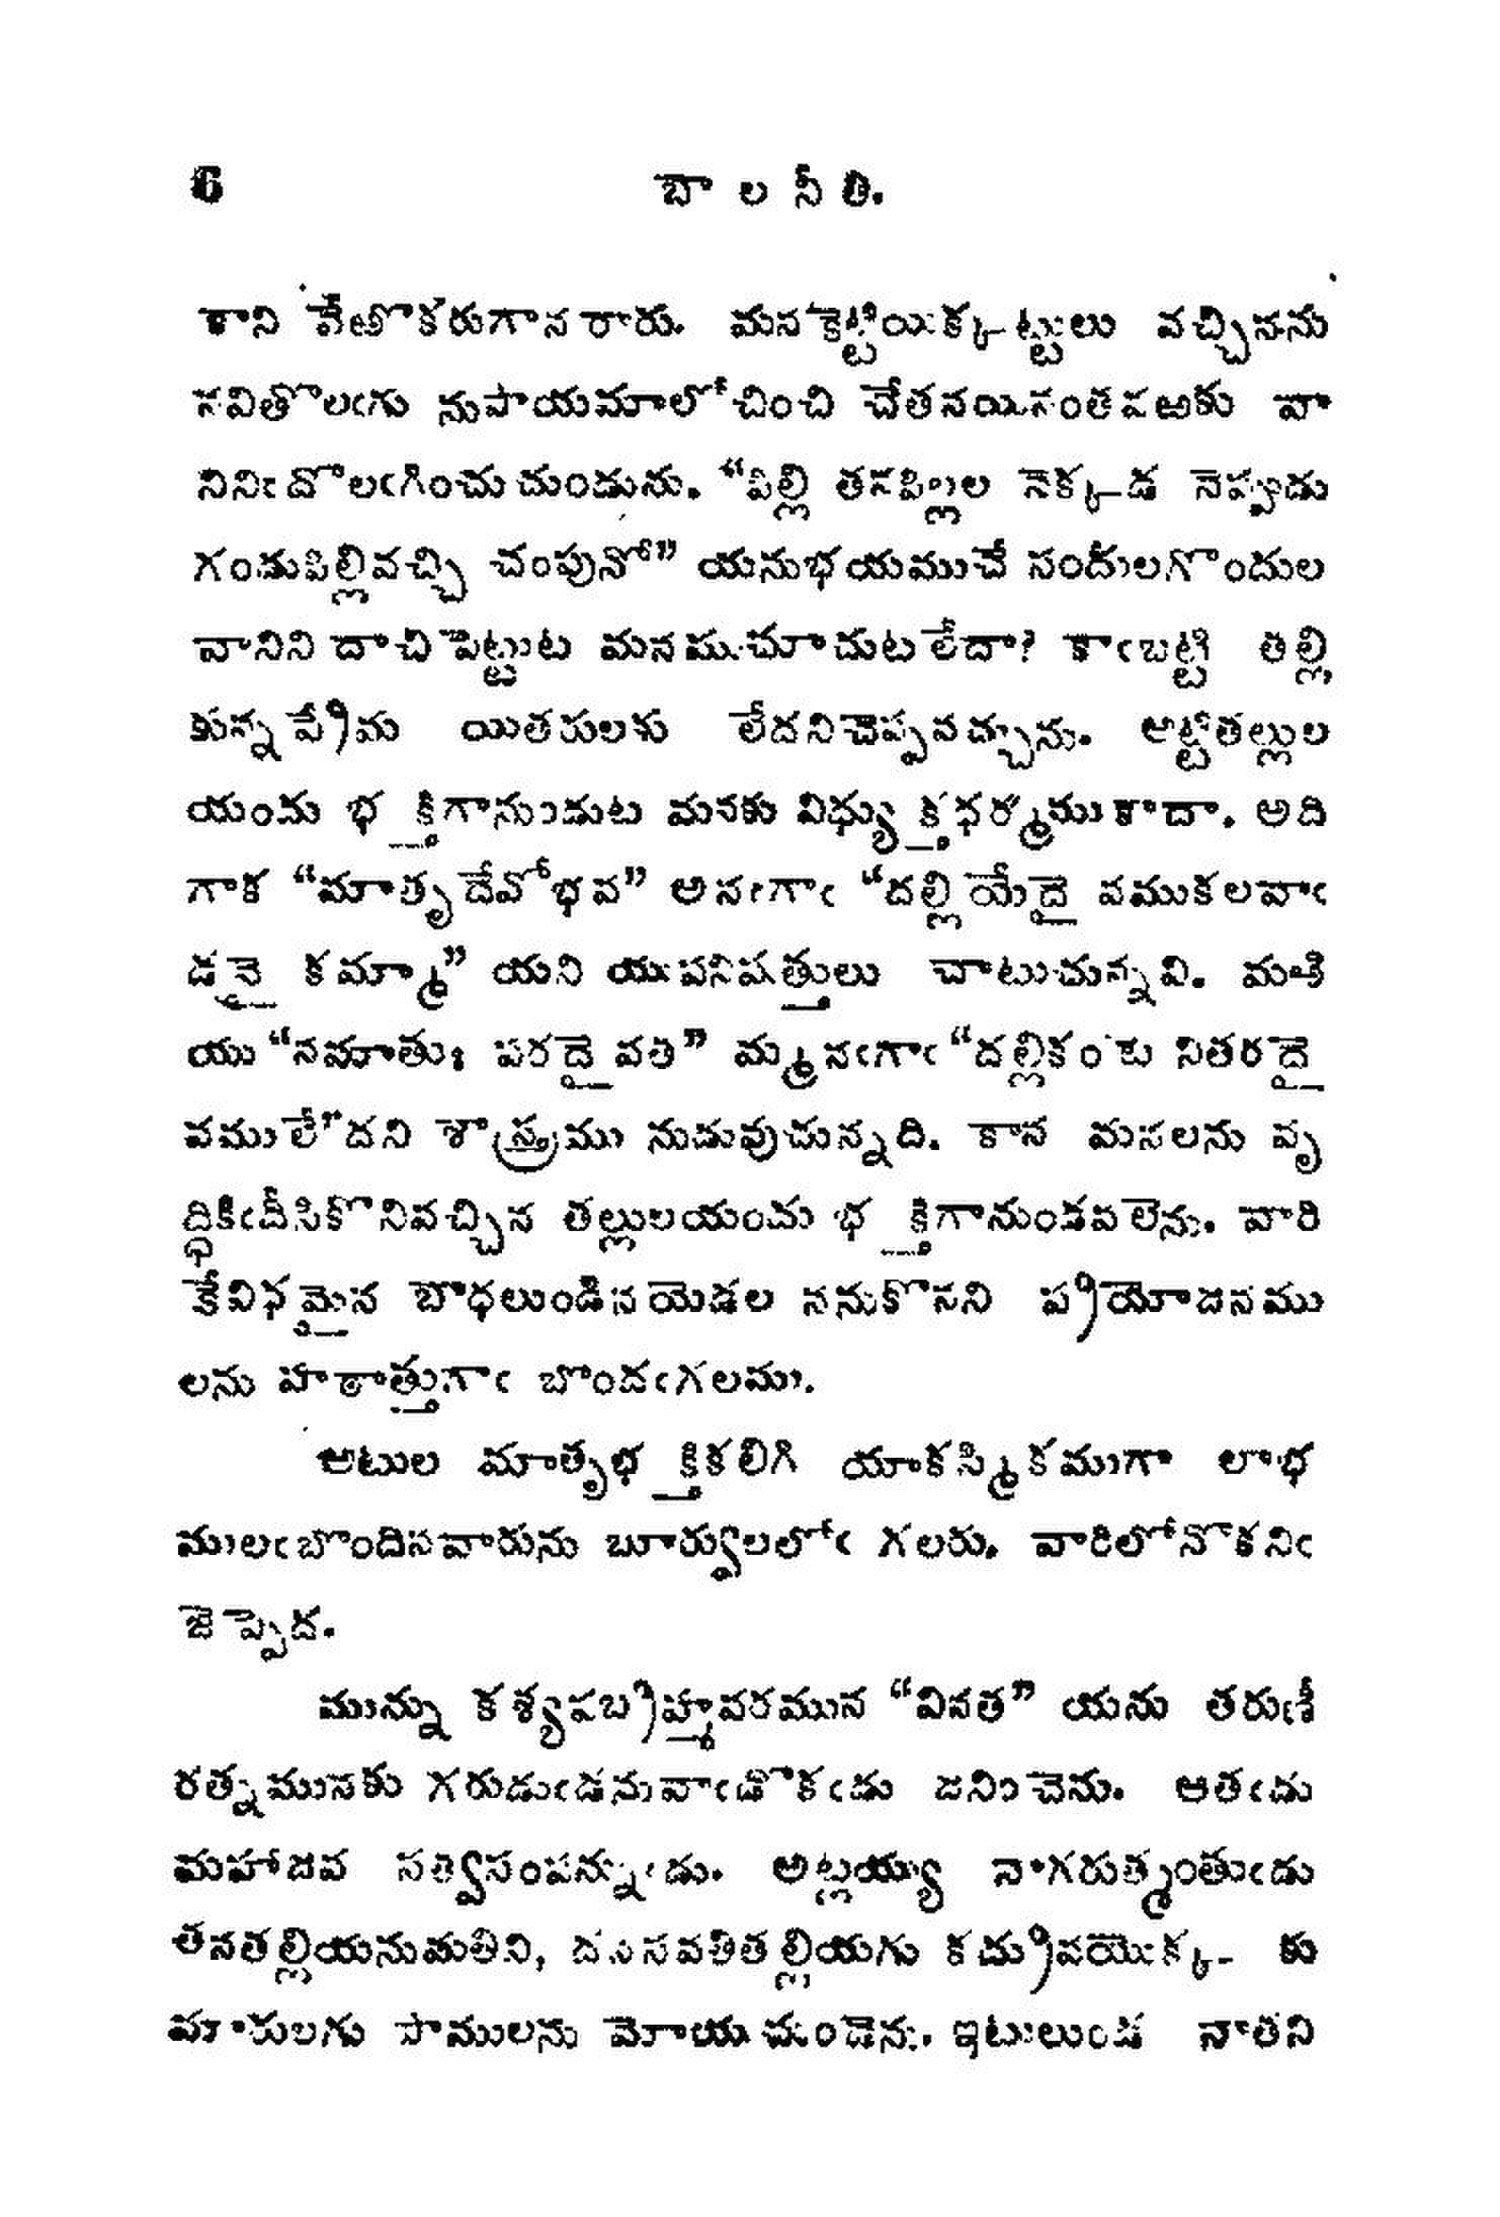కాని వేఱొకరుగానరారు. మనకెట్టియిక్కట్టులు వచ్చినను నవితొలఁగు నుపాయమాలోచించి చేతనయినంతవఱకు వానినిఁ దొలఁగించుచుండును. "పిల్లి తనపిల్లల నెక్కడ నెప్పుడు గండుపిల్లివచ్చి చంపునో" యనుభయముచే సందులగొందుల 
వానిని దాచిపెట్టుట మనముచూచుటలేదా? కాఁబట్టి తల్లి కున్నప్రేమ యితరులకు లేదనిచెప్పవచ్చును. అట్టితల్లుల యందు భక్తిగానుండుట మనకు విధ్యుక్తధర్మముకాదా. అది గాక "మాతృదేవోభవ" అనఁగాఁ "దల్లియేదైవముకలవాఁడనై కమ్మా" యని యుపనిషత్తులు చాటుచున్నవి. మఱియు "నమాతుః పరదైవత" మ్మనఁగాఁ "దల్లికంటె నితరదైవములే"దని శాస్త్రము నుడువుచున్నది. కాన మనలను వృద్దికిఁ దీసికొనివచ్చిన తల్లులయందు భక్తిగానుండవలెను. వారి కేవిధమైన బాధలుండినయెడల ననుకొనని ప్రయోజనములను హఠాత్తుగాఁ బొందఁగలము.

అటుల మాతృభక్తికలిగి యాకస్మికముగా లాభ
ములఁబొందినవారును బూర్వులలోఁ గలరు. వారిలోనొకనిఁ జెప్పెద.

మున్ను కశ్యపబ్రహ్మవరమున "వినత" యను తరుణీ 
రత్నమునకు గరుడుఁ డనువాఁడొకఁడు జనించెను. ఆతఁడు మహాజప సత్వసంపన్నుఁడు. అట్లయ్యు నాగరుత్మంతుఁడు తనతల్లియనుమతిని, దనసవతితల్లియగు కద్రువయొక్క కుమారులగు పాములను మోయుచుండెను. ఇటులుండ నాతని